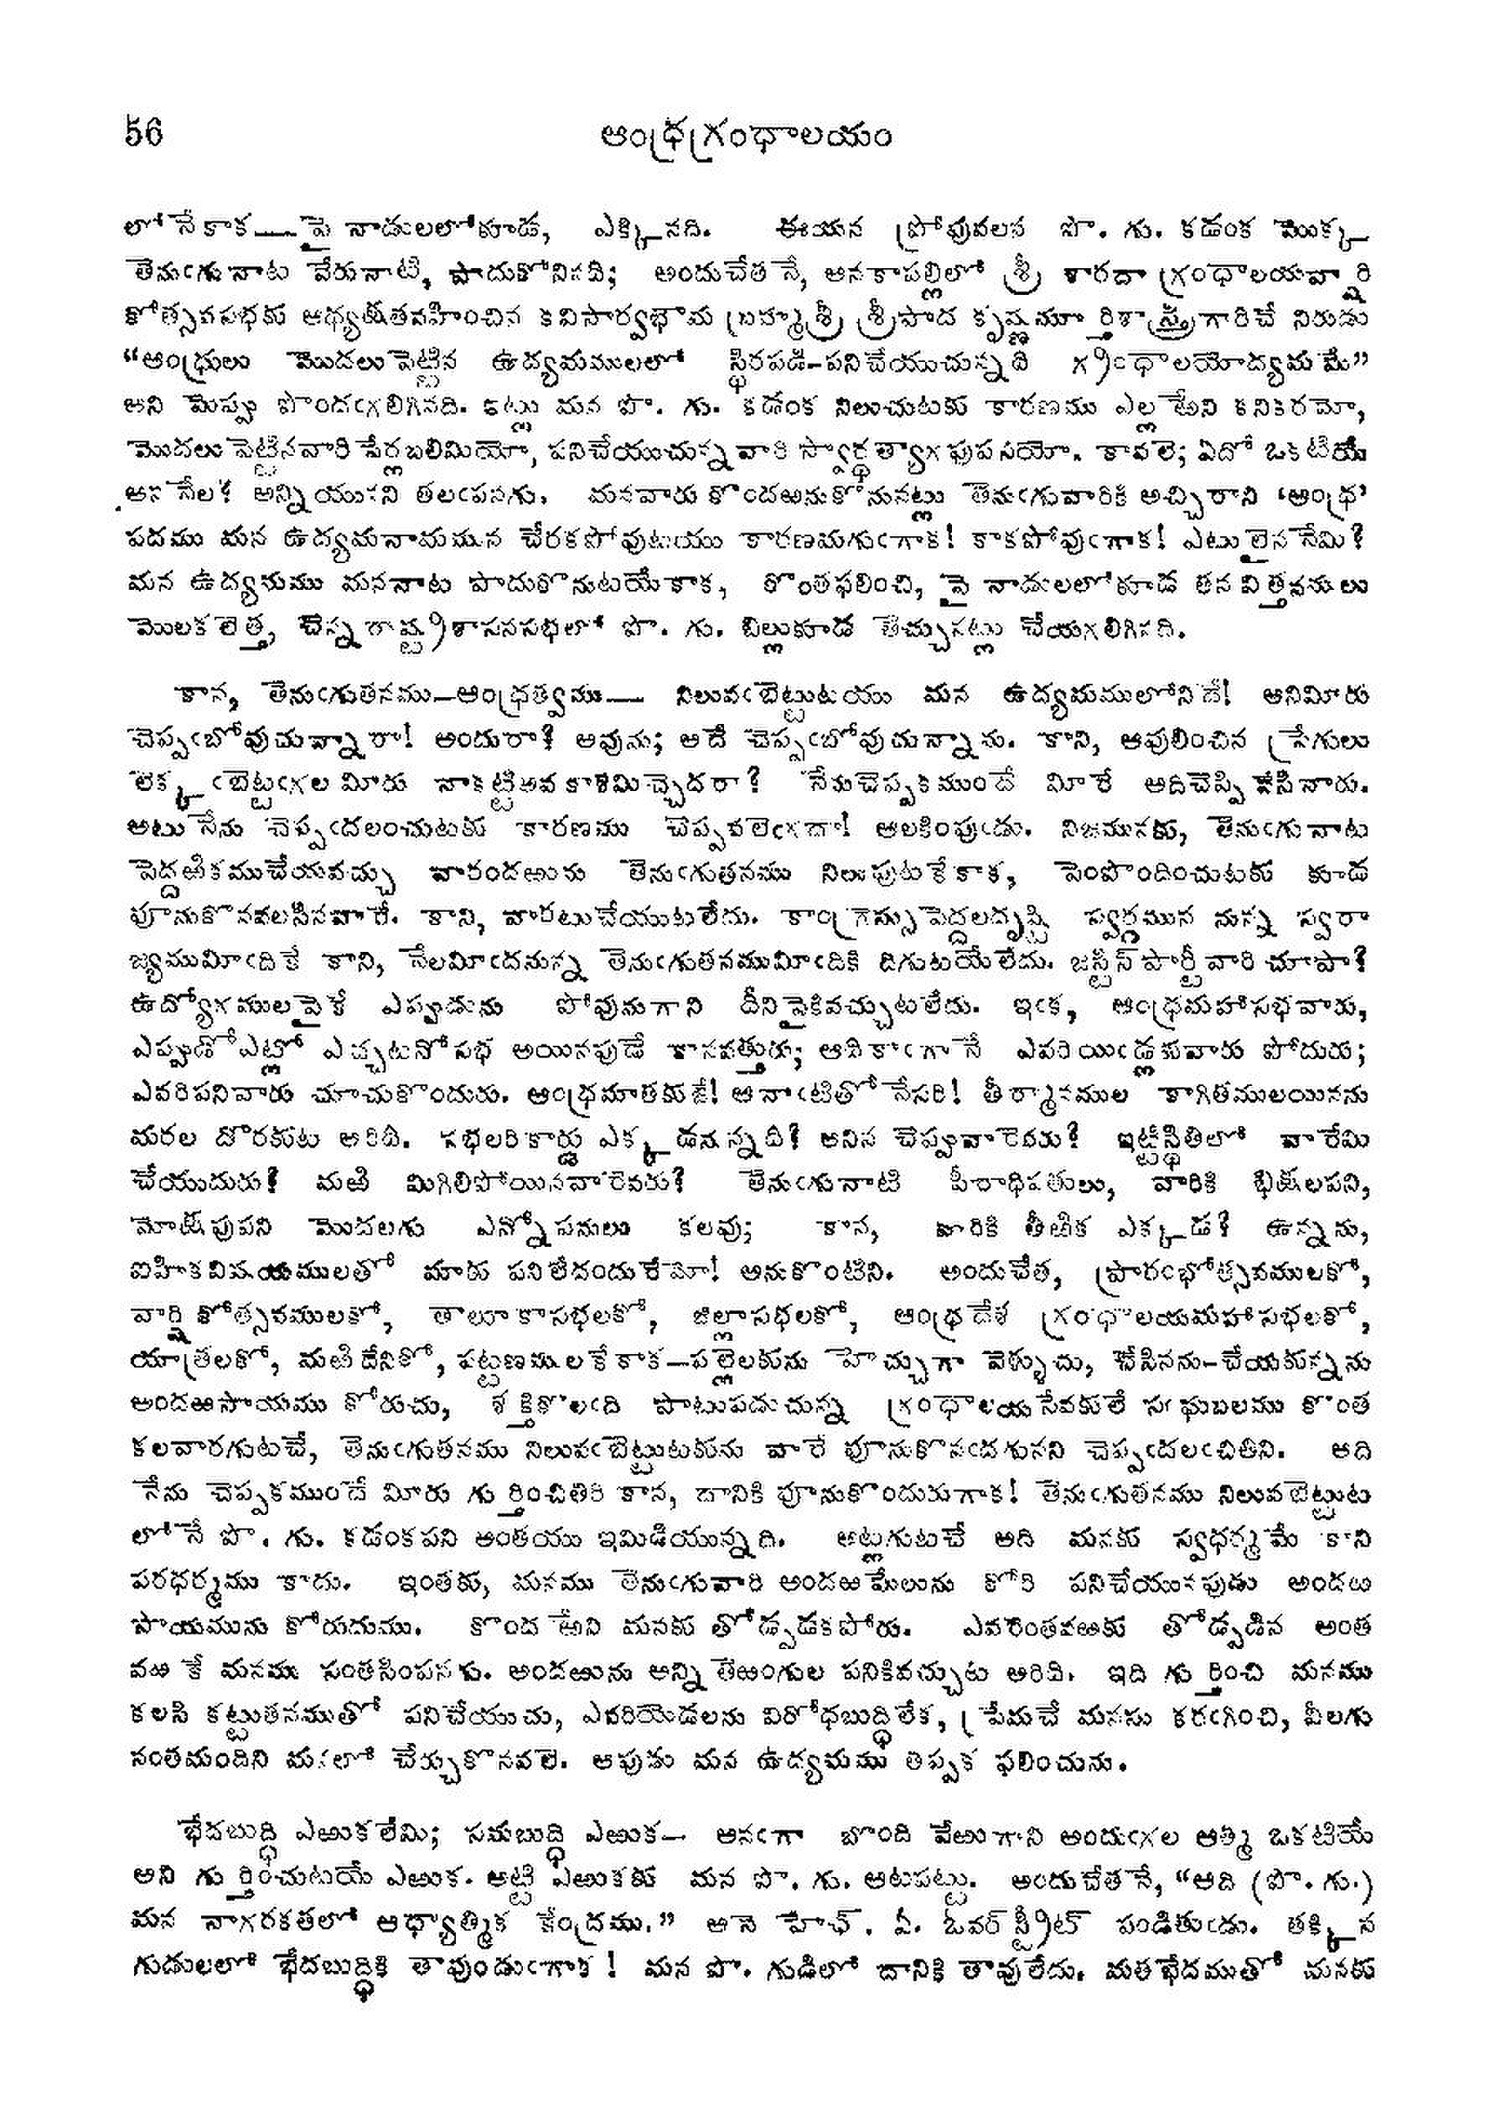లోనే కాక-పై నాడులలో కూడ, ఎక్కినది. ఈయన ప్రోవువలస పొ.గు. కడంక మొక్క తెనుఁగునాట వేరునాటి, పాదుకొనినవి; అందుచేతనే, అనకాపల్లిలో శ్రీ శారదా గ్రంధాలయవార్షి కోత్సవసభకు అధ్యక్షతవహించిన కవిసార్వభౌమ బ్రహ్మశ్రీ శ్రీపాద కృష్ణమూర్తిశాస్త్రిగారిచే నిరుడు “ఆంధ్రులు మొదలు పెట్టిన ఉద్యమములలో స్థిరపడి-పనిచేయుచున్నది గ్రంధాలయోద్యమమే”
అని మెప్పు పొందఁగలిగినది. ఇట్లు మన పొ.గు.కడంక నిలుచుటకు కారణము ఎల్లని కనికరమో, మొదలు పెట్టినవారి 
పేర్లబలిమియో, పనిచేయుచున్నవారి స్వార్థత్యాగపుపనియో. కావలె; ఏదో ఒకటియే అని నేల? అన్నియుని తలఁపనగు. 
మనవారు కొందఱనుకోనునట్లు తెనుఁగువారికి అచ్చిరాని 'ఆంధ్ర' పదము మన ఉద్యమనామమున చేరకపోవుటయు 
కారణమగుఁగాక! కాకపోవుఁగాక! ఎటులైన నేమి? మన ఉద్యమము మననాట పాదుకొనుటయేకాక, కొంతఫలించి, నైనాడులలో
కూడ తన విత్తనములు మొలకలెత్త, చెన్న రాష్ట్రశాసనసభలో పొ.గు.బిల్లుకూడ వచ్చునట్లు చేయగలిగినది.

కానీ, తెనుఁగుతనము-ఆంధ్రత్వము—నిలువఁబెట్టుటయు మన ఉద్యమములోనిదే! అనిమీరు చెప్పఁబోవుచున్నారా! అందురా? 
అవును; అదే చెప్పఁబోవుచున్నాను. కాని, ఆవులించిన ప్రేగులుకఁ బెట్టఁగల మీరు నాకట్టి అవకాశమిచ్చెదరా? నేను 
చెప్పకముందే మీరే అది చెప్పి చేసినారు. అటు నేను చెప్పఁదలంచుటకు కారణము చెప్పవలెఁగదా! ఆలకింపుడు. నిజమునకు, 
తెనుఁగు నాట పెద్దరికము చేయవచ్చు వారందఱుకు తెనుఁగుతనము నిలుపుటకేకాక, పెంపొందించుటకు కూడ
పూనుకొనవలసినవారే. కాని, వారటుచేయుటలేదు. కాంగ్రెస్సు పెద్దలదృష్టి స్వర్గమున నున్న స్వరాజ్యముమీఁదికే కాని, 
నేలమీఁదనున్న తెనుఁగుతనముమీఁదికి దిగుటయేలేదు. జస్టిస్ పార్టీ వారి చూపా? ఉద్యోగముల పైకి ఎప్పుడును పోవునుగాని దీని పైకివచ్చుటలేదు. ఇంక, ఆంధ్రమహాసభవారు, ఎప్పుడోఎట్లో ఎచ్చటనో సభ అయినపుడే కానవత్తురు; ఆడికాఁగానే 
ఎవరియిండ్లకువారు పోదురు; ఎవరిపనివారు చూచుకొందురు. ఆంధ్రమాతకు జే! ఆనాఁటితో నేసరి! తీర్మానముల 
కాగితములయినను మరల దొరకుట అరిది. సభలరికార్డు ఎక్కడనున్నది? అనిన చెప్పువారెరు ? ఇట్టిస్థితిలో వారేమి
చేయుదురు? మఱి మిగిలిపోయిన వారెవరు? తెనుగునాటి పీఠాధిపతులు, వారికి బిక్షలపని, మోక్షపుపని మొదలగు ఎన్నో 
పనులు కలవు; కాన, వారికి తీఱిక ఎక్కడ? ఉన్నను, ఐహిక విషయములతో మాకు పనిలేదందురేమో! అనుకొంటిని. 
అందుచేత, ప్రారంభోత్సవములకో, వార్షికోత్సవములతో, తాలూకుసభలకో, జిల్లాసభలకో, ఆంధ్రదేశ గ్రంధాలయ
మహాసభలకో, యాత్రలతో, మఱి దేనికో, పట్టణములకే కాక-పల్లెలకును హెచ్చుగా వెళ్ళుచు, చేసినను-చేయకున్నను
అందఱసాయము కోరుచు, శక్తికొలది పాటుపడుచున్న గ్రంథాలయసేవకులే సంఘబలము కొంత కలవారగుటచే, 
తెనుఁగుతనము నిలువఁ బెట్టుటకును వారే పూసుకొనఁదగురని చెప్పఁదలఁచితిని. అది నేను చెప్పకముందే మీరు 
గుర్తించితిరి కాన, దానికి పూనుకొందురుగాక ! తెనుఁగుతనము నిలువబెట్టుట లోనే పొ.గు. కడంకపని అంతయు 
ఇమిడియున్నది. అట్లగుటచే అది మనకు స్వధర్మమే కాని పరధర్మము కాదు. ఇంతకు, మనము తెనుఁగువారి 
అందఱమేలును కోరి పనిచేయునపుడు అందఱసాయమును కోరుదుము. కొందరైనా మనకు తోడ్పడకపోరు. 
ఎవరెంతవఱకు తోడ్పడిన అంతవరకే మనము సంతసింపనకు. అండఱును అన్ని తెఱంగులు పనికివచ్చుకు అరిది. 
ఇది గుర్తించి మనము కలసి కట్టుతనముతో పనిచేయుచు, ఎవరియెడలను విరోధబుద్ధిలేక, ప్రేమచే మనసు కరగించి, వీలగు
నంతమందిని మనలో చేర్చుకొనవలె. అపుడు మన ఉద్యమము తప్పక ఫలించును.

భేదబుద్ధి ఎఱుక లేమి; సమబుద్ధి ఎఱుక-అనఁగా బొంది ' వేఱు గానీ అందుఁగల ఆత్మ ఒకటియే అని గుర్తించుటయే ఎఱుక. 
అట్టి ఎఱుకకు మన పొ.గు. ఆటపట్టు. అందుచేతనే, “ఆది (పొ.గు.) మన నాగరకతలో ఆధ్యాత్మిక కేంద్రము" అనే హెచ్. 
ఏ. ఓవర్ స్ట్రీట్ పండితుఁడు. తక్కిన గుడులలో భేదబుద్ధికి తావుండుఁ గాక ! మన పొ.గుడిలో దానికి తావులేదు. మత
భేదముతో మనకు